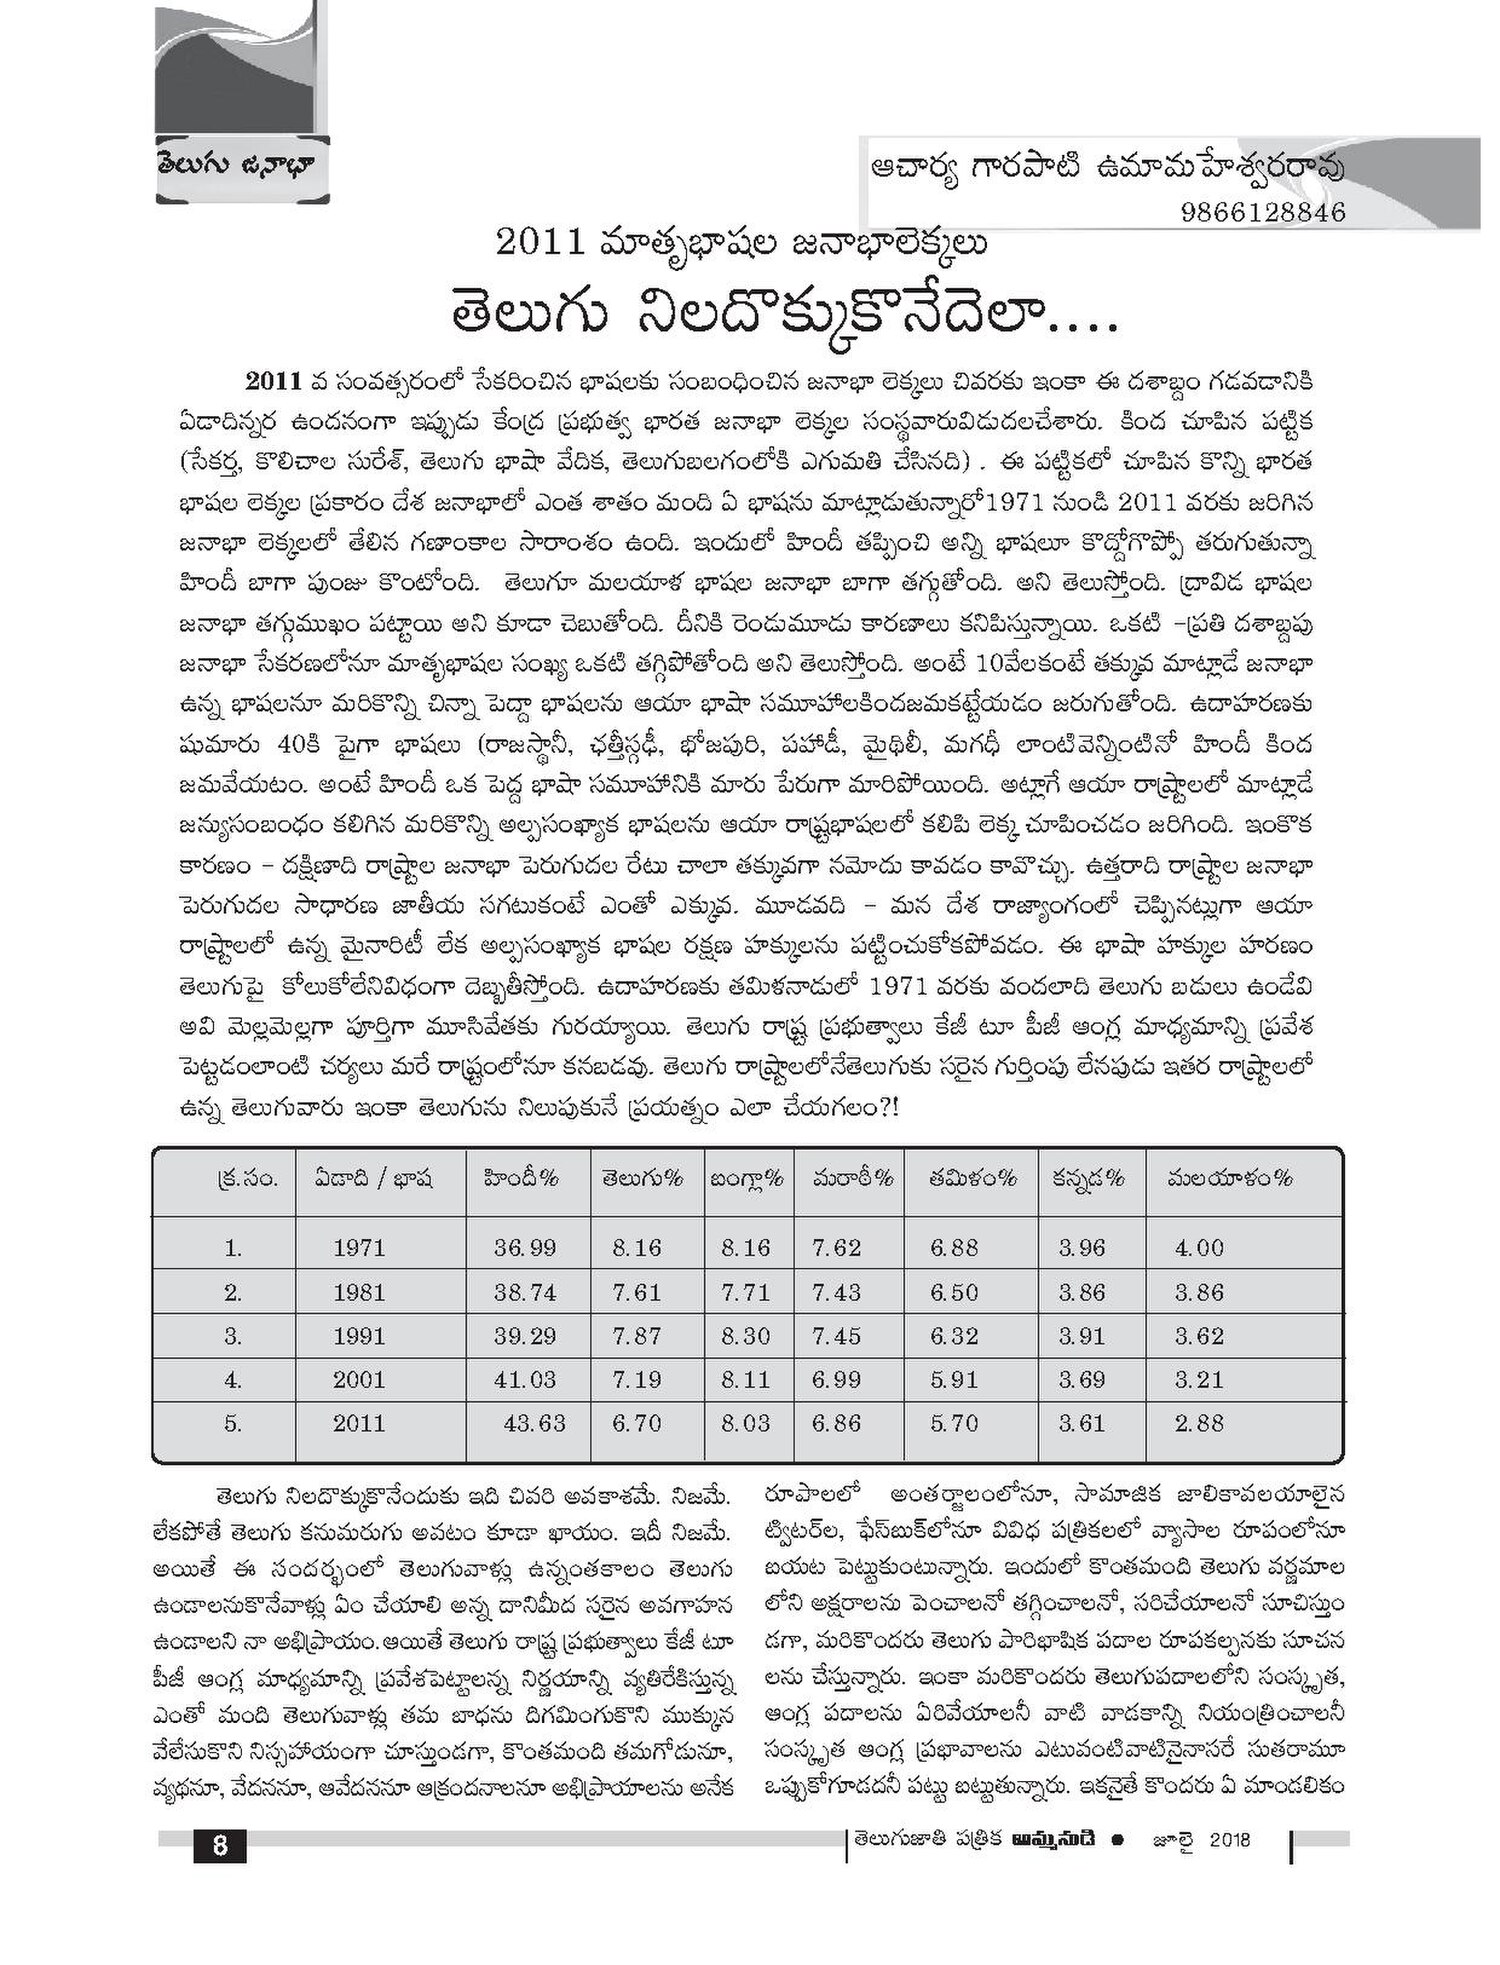2011 మాతృభాషల జనాభాలెక్కలు

తెలుగు నిలదొక్కుకునేదెలా....

2011 వ సంవత్సరంలో సేకరించిన భాషలకు సంబంధించిన జనాభా లెక్కలు చివరకు ఇంకా ఈ దశాబ్దం గడవడానికి ఏడాదిన్నర ఉందనంగా ఇప్పుడు కేంద్ర ప్రభుత్వ భారత జనాభా లెక్కల సంస్థవారువిడుదలచేశారు. కింద చూపిన పట్టిక (సేకర్త, కొలిచాల సురేశ్, తెలుగు భాషా వేదిక, తెలుగుబలగంలోకి ఎగుమతి చేసినది). ఈ పట్టికలో చూపిన కొన్ని భారత భాషల లెక్కల ప్రకారం దేశ జనాభాలో ఎంత మంది ఏ భాషను మాట్లాడుతున్నారో 1971 నుండి 2011 వరకు జరిగిన జనాభా లెక్కలలో తేలిన గణాంకాల సారాంశం ఉంది. ఇందులో హిందీ తప్పించి అన్ని భాషలూ కొద్దోగొప్పో తరుగుతున్నా హిందీ బాగా పుంజు కొంటోంది. తెలుగూ మలయాళ భాషల జనాభా బాగా తగ్గుతోంది. అని తెలుస్తోంది. ద్రావిడ భాషల జనాభా తగ్గుముఖం పట్టాయి అని కూడా చెబుతోంది. దీనికి రెండుమూడు కారణాలు కనిపిస్తున్నాయి. ఒకటి -ప్రతి దశాబ్దపు జనాభా సేకరణలోనూ మాతృభాషల సంఖ్య ఒకటి తగ్గిపోతోంది అని తెలుస్తోంది. అంటే 10వేలకంటే తక్కువ మాట్లాడే జనాభా ఉన్న భాషలనూ మరికొన్ని చిన్నా పెద్దా భాషలను ఆయా భాషా సమూహాలకిందజమకట్టేయడం జరుగుతోంది. ఉదాహరణకు షుమారు 40కి పైగా భాషలు (రాజస్థానీ, ఛత్తీస్గఢీ, భోజపురి, పహాడీ, మైథిలీ, మగధీ లాంటివెన్నింటినో హిందీ కింద జమవేయడం. అంటే హిందీ ఒక పెద్ద భాషా సమూహానికి మారు పేరుగా మారిపోయింది. అట్లాగే ఆయా రాష్ట్రాలలో మాట్లాడే జన్యుసంబంధం కలిగిన మరికొన్ని అల్పసంఖ్యాక భాషలను ఆయా రాష్ట్రభాషలలో కలిపి లెక్క చూపించడం జరిగింది. ఇంకొక కారణం - దక్షిణాది రాష్ట్రాల జనాభా పెరుగుదల రేటు చాలా తక్కువగా నమోదు కావడం కావొచ్చు. ఉత్తరాది రాష్ట్రాల జనాభా పెరుగుదల సాధారణ జాతీయ సగటు కంటే ఎంతో ఎక్కువ. మూడవది - మన దేశ రాజ్యాంగంలో చెప్పినట్లుగా ఆయా రాష్ట్రాలలో ఉన్న మైనారిటీ లేక అల్పసంఖ్యాక భాషల రక్షణ హక్కులను పట్టించుకోకపోవడం. ఈ భాషా హక్కుల హరణం తెలుగుపై కోలుకోలేనివిధంగా దెబ్బతీస్తోంది. ఉదాహరణకు తమిళనాడులో 1971 వరకు వందలాది తెలుగు బడులు ఉండేవి అవి మెల్లమెల్లగా పూర్తిగా మూసివేతకు గురయ్యాయి. తెలుగు రాష్ట్ర ప్రభుత్వాలు కేజీ టూ పీజీ ఆంగ్ల మాధ్యమాన్ని ప్రవేశ పెట్టడంలాంటి చర్యలు మరే రాష్ట్రంలోనూ కనబడవు. తెలుగు రాష్ట్రాలలోనే తెలుగుకు సరైన గుర్తింపు లేనపుడు ఇతర రాష్ట్రాలలో ఉన్న తెలుగువారు ఇంకా తెలుగును నిలుపుకునే ప్రయత్నం ఎలా చేయగలం?!
 క్ర.సం ఏడాది/భాష హిందీ% తెలుగు% బంగ్లా% మరాఠీ% తమిళం% కన్నడ% మలయాళం% 1 1971 36.99 8.16 8.16 7.62 6.88 3.98 4.00 2 1981 38.74 7.61 7.71 7.43 6.50 3.86 3.86 3 1991 39.29 7.87 8.30 7.45 6.32 3.91 3.62 4 2001 41.03 7.19 8.11 6.99 5.91 3.69 3.21 5 2011 43.63 6.70 8.03 6.86 5.70 3.61 2.88
తెలుగు నిలదొక్కుకొనేందుకు ఇది చివరి అవకాశమే. నిజమే లేకపోతే తెలుగు కనుమరుగు అవటం కూడా ఖాయం. ఇదీ నిజమే. అయితే ఈ సందర్భంలో తెలుగువాళ్లు ఉన్నంతకాలం తెలుగు ఉండాలనుకొనేవాళ్లు ఏం చేయాలి అన్న దానిమీద సరైన అవగాహన ఉండాలని నా అభిప్రాయం. అయితే తెలుగు రాష్ట్ర ప్రభుత్వాలు కేజీ టూ పీజీ ఆంగ్లమాధ్యమాన్ని ప్రవేశపెట్టాలన్న నిర్ణయాన్ని వ్యతిరేకిస్తున్న ఎంతో మంది తెలుగువాళ్లు తమ బాధను దిగమింగుకొని ముక్కున వేలేసుకొని నిస్సహాయంగా చూస్తుండగా, కొంతమంది తమగోడునూ, వ్యధనూ, వేదననూ, ఆవేదననూ, ఆక్రందనాలనూ అభిప్రాయాలుగా అనేక రూపాలలో అంతర్జాలంలోనూ, సామాజిక జాలికావలయాలైన ట్విటర్‌ల, ఫేస్‌బుక్‌‌లోనూ, వివిధ పత్రికలలో వ్యాసాల రూపంలోనూ బయట పెట్టుకుంటున్నారు. ఇందులో కొంతమంది తెలుగు వర్ణమాలలోని అక్షరాలను పెంచాలనో తగ్గించాలనో, సరిచేయాలనో సూచిస్తూండగా, మరికొందరు తెలుగు పారిభాషిక పదాల రూపకల్పనకు సూచనలను చేస్తున్నారు. ఇంకా మరికొందరు తెలుగుపదాలలోని సంస్కృత, ఆంగ్ల పదాలను ఏరివేయాలనీ వాటి వాడకాన్ని నియంత్రించాలనీ సంస్కృత ఆంగ్ల ప్రభావాలను ఎటువంటివాటినైనాసరే సుతరామూ ఒప్పుకోగూడదనీ పట్టు బట్టుతున్నారు. ఇకనైతే కొందరు ఏ మాండలికం